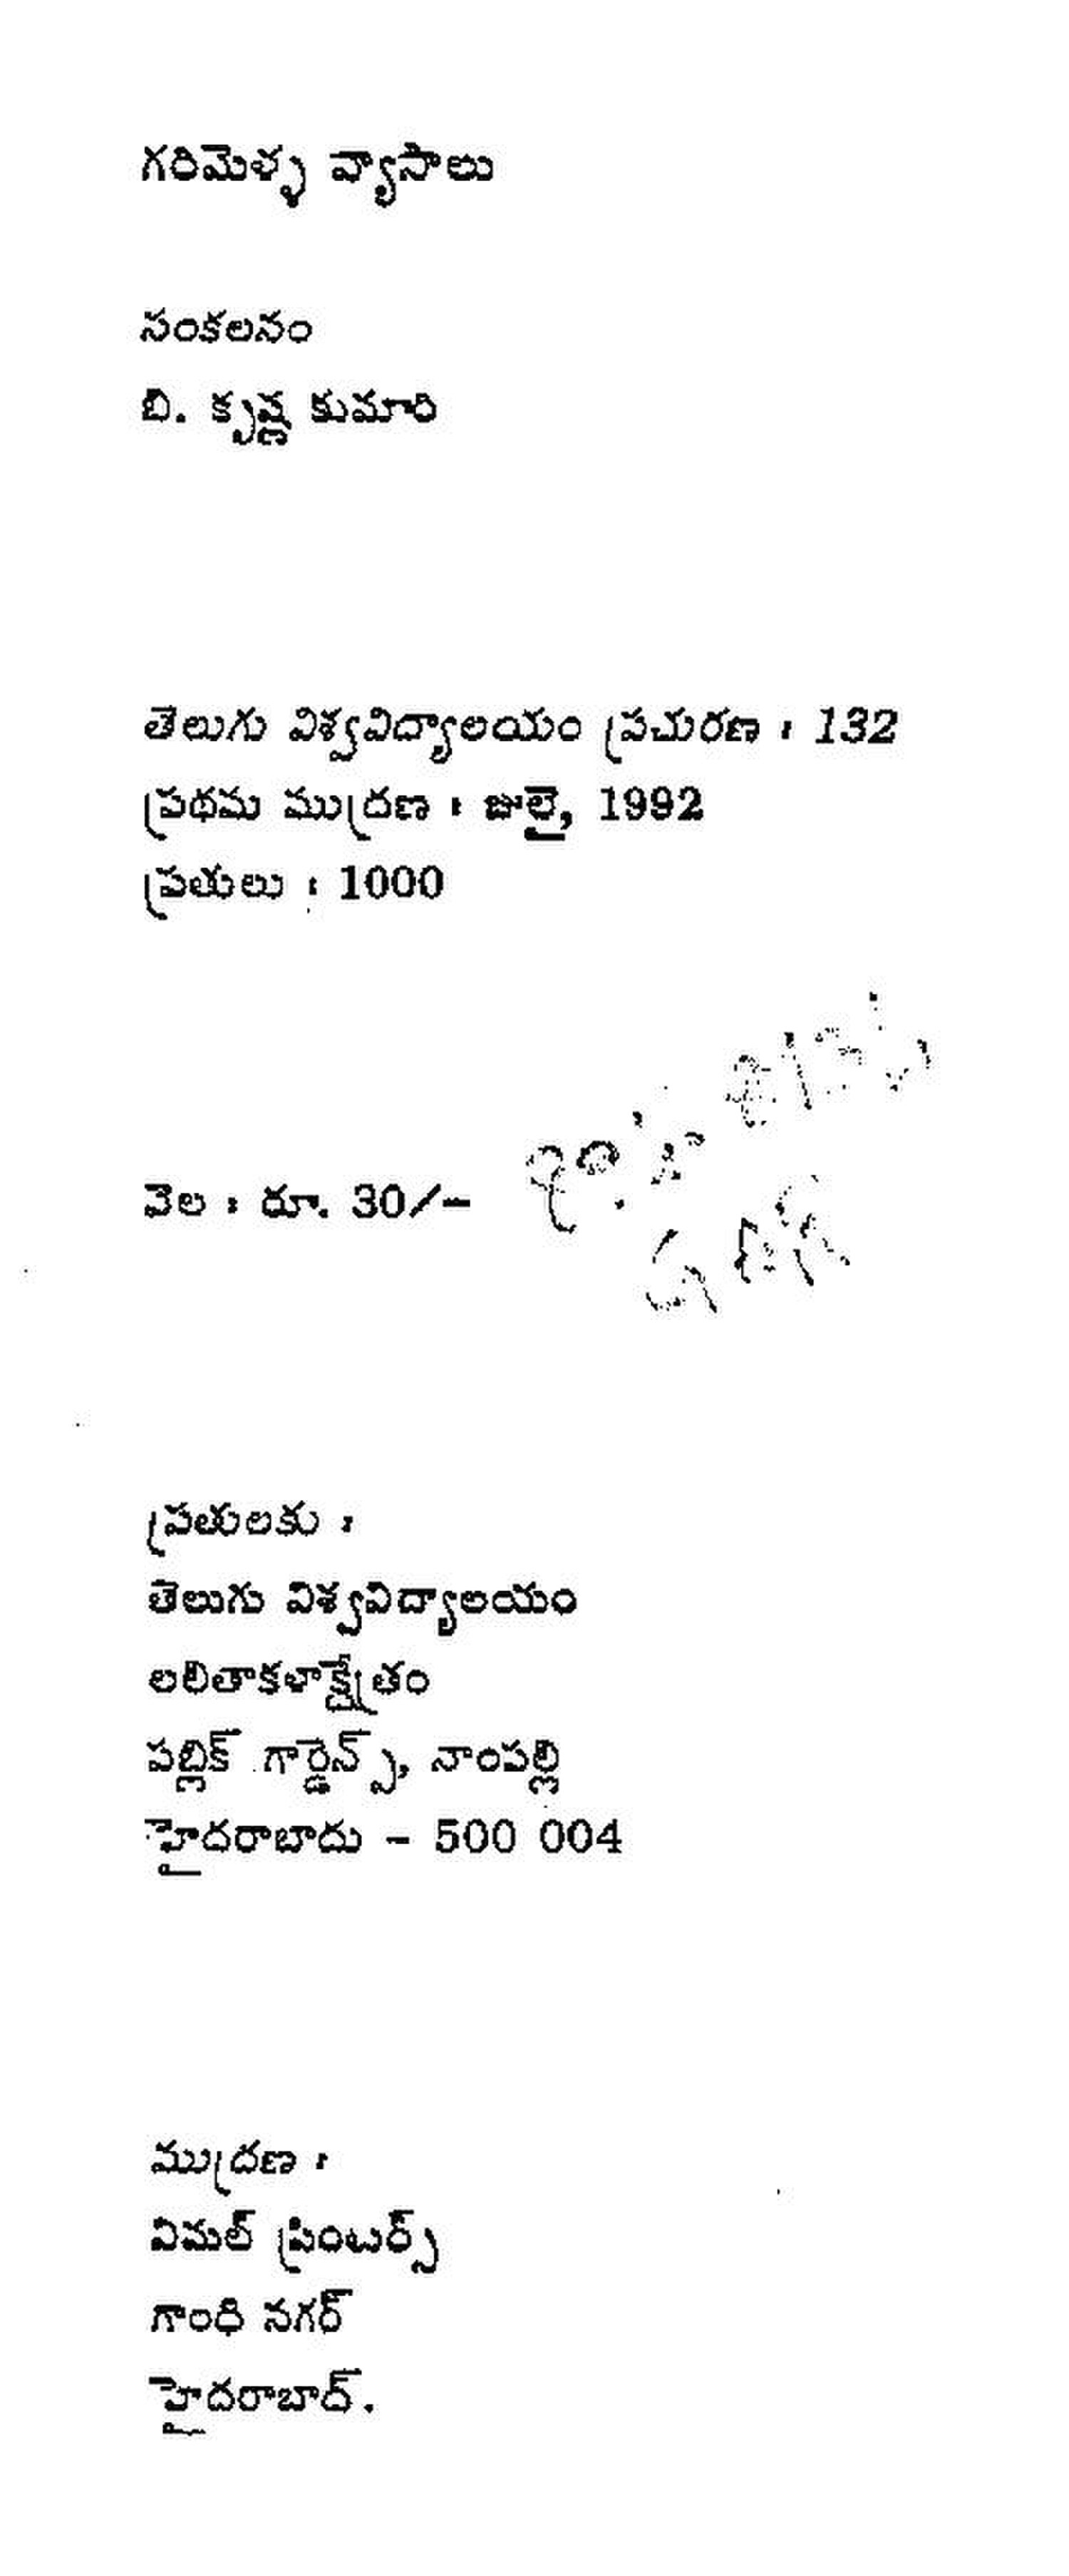గరిమెళ్ళ వ్యాసాలు

సంకలనం

బి. కృష్ణ కుమారి

తెలుగు విశ్వవిద్యాలయం ప్రచురణ : 132

ప్రథమ ముద్రణ : జూలై, 1992

ప్రతులు : 1000

వెల : రూ. 30/-

ప్రతులకు :

తెలుగు విశ్వవిద్యాలయం

లలితాకళాక్షేత్రం

పబ్లిక్ గార్డెన్స్, నాంపల్లి

హైదరాబాదు - 500 004

ముద్రణ : 

విమల్ ప్రింటర్స్,

గాంధీ నగర్

హైదరాబాద్.